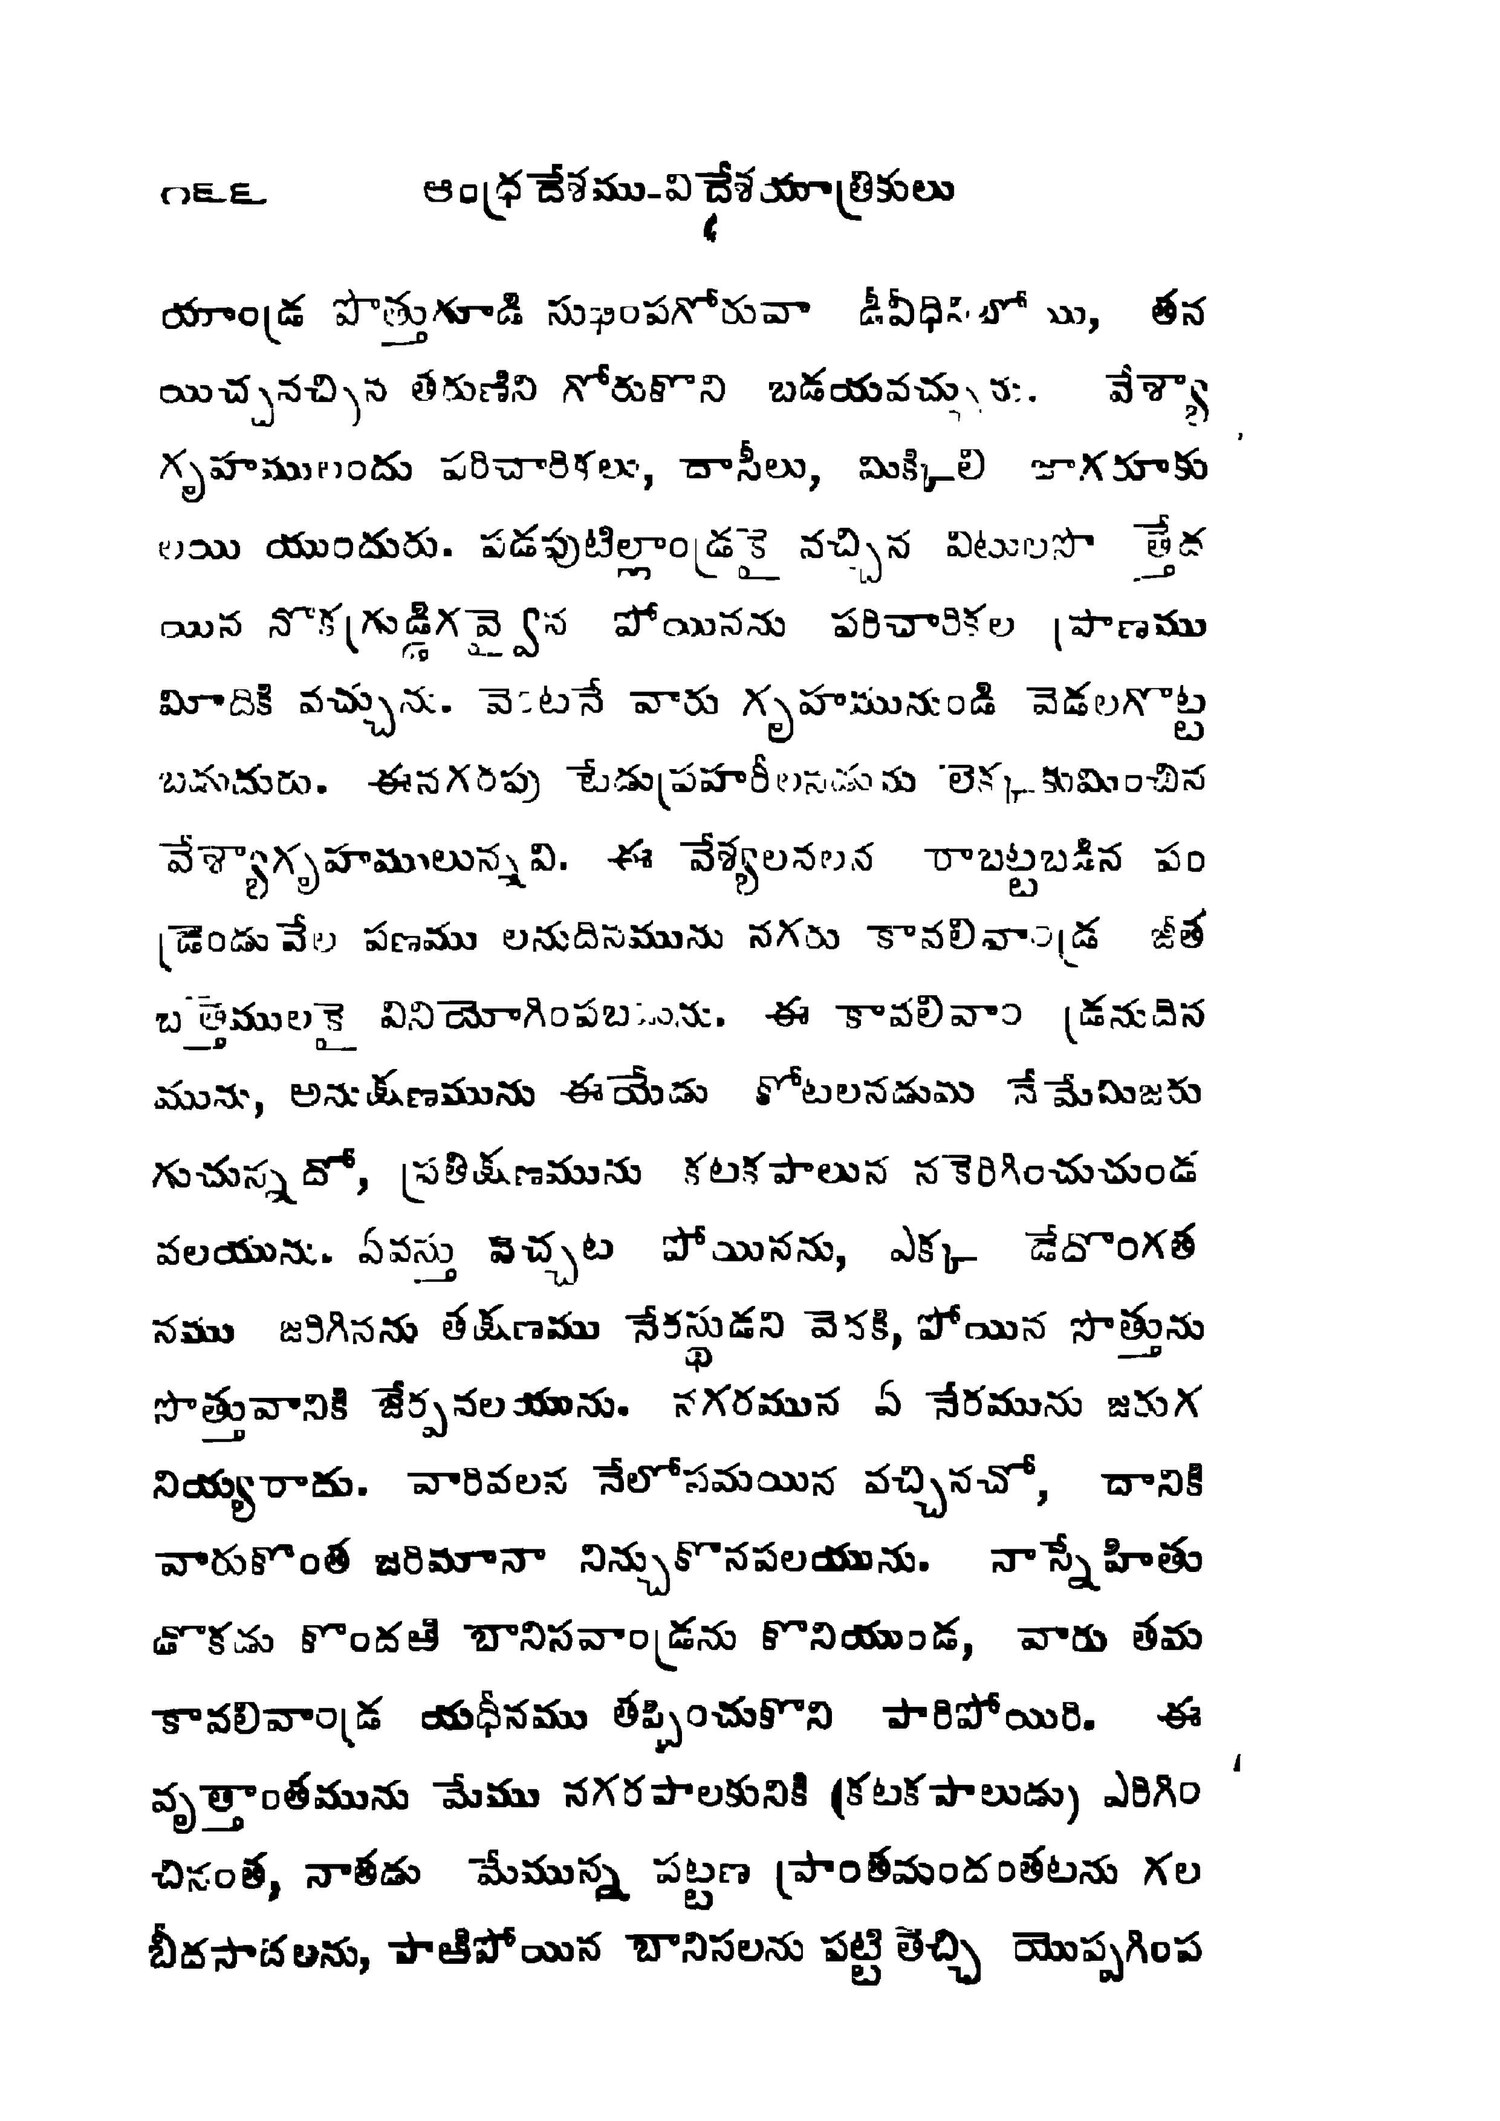యాండ్ర పొత్తుగూడి సుఖింపగోరువా డీవీధినిబోయి, తన యిచ్చవచ్చిన తరుణిని గోరుకొని బడయవచ్చును. వేశ్యాగృహములందు పరిచారికలు, దాసీలు, మిక్కిలి జాగరూకులయి యుందురు. పడపుటిల్లాండ్రకై వచ్చిన విటులసొ త్తేదయిన నొకగ్రుడ్డిగవ్వైన పోయినను పరిచారికల ప్రాణము మీదికి వచ్చును. వేంటనే వారు గృహమునుండి వెడలగొట్టబడుదురు. ఈనగరపు టేడుప్రహరీలనడుమ లెక్కకుమించిన వేశ్యాగృహములున్నవి. ఈ వేశ్యలవలన రాబట్టబడిన పండ్రెండువేల పణము లనుదినమును నగరు కావలివాండ్ర జీతబత్తెములకై వినియోగింపబడును. ఈ కావలివాం డ్రనుదినమును, అనుక్షణమును ఈయేడు కోటలనడుమ నేమేమిజరుగుచున్నదో, ప్రతిక్షణమును కటకపాలున నకెరిగించుచుండవలయును. ఏవస్తు వెచ్చట పోయినను, ఎక్క డే దొంగతనము జరిగినను తక్షణము నేరస్థుడని వెదకి, పోయిన సొత్తును సొత్తువానికి జేర్పవలయును. నగరమున ఏ నేరమును జరుగ నియ్యరాదు. వారివలన నేలోపమయిన వచ్చినచో, దానికి వారుకొంత జరిమానా నిన్చుకొన వలయును. నాస్నేహితుడొకడు కొందఱి బానిసవాండ్రను కొనియుండ, వారు తమ కావలివాండ్ర యధీనము తప్పించుకొని పారిపోయిరి. ఈ వృత్తాంతమును మేము నగరపాలకునికి (కటక పాలుడు) ఎరిగించినంత, నాతడు మేమున్న పట్టణ ప్రాంతమందంతటను గల బీదసాదలను, పాఱిపోయిన బానిసలను పట్టితెచ్చి యొప్పగింప